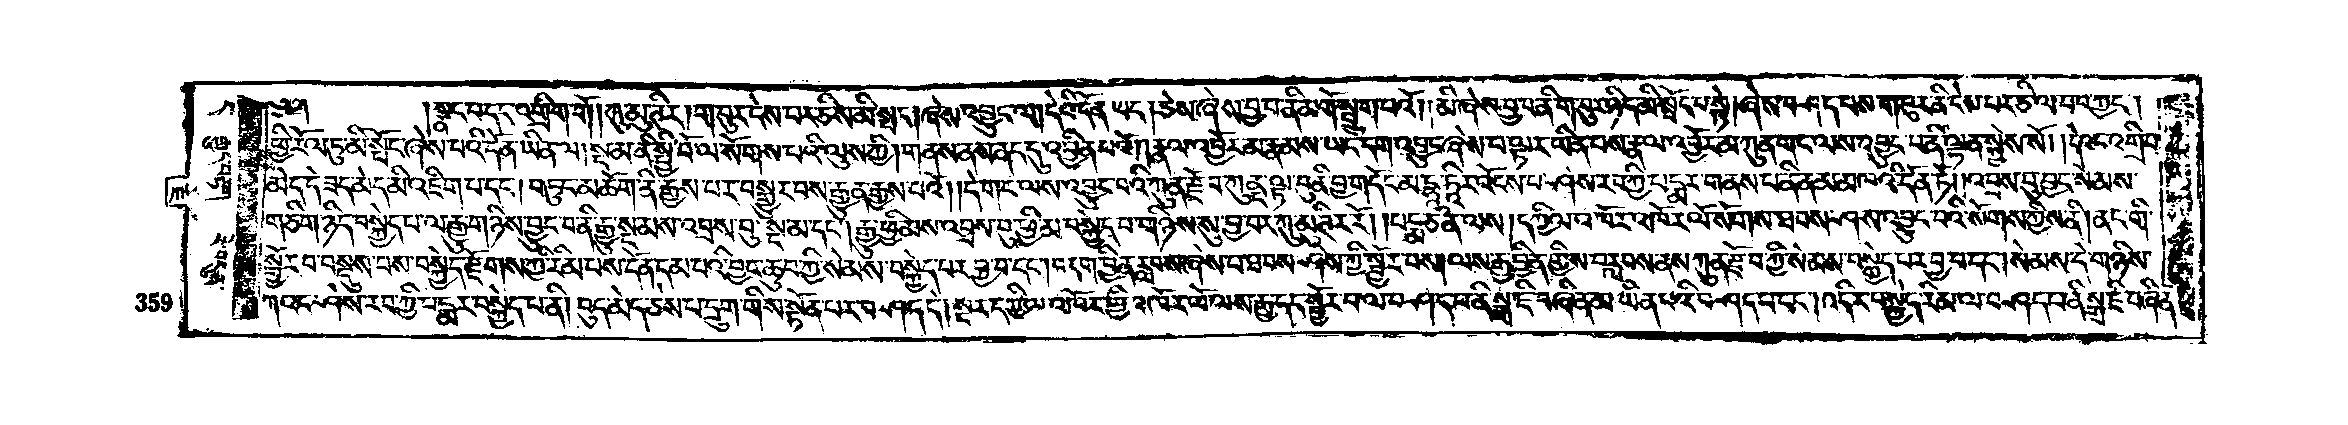༄༅། །སྣང་བ་དང་འགྲིག་གོ །ཀུ་མུ་ཊིར། ག་བུར་ངེས་པར་ཅིས་མི་སྤང་། ཞེས་འབྱུང་ལ། དེའི་དོན་ཡང་། ཅེས་ཞེས་བྱ་བ་ནི་མགོ་སྦྲུག་པའོ། །མི་ཞེས་བྱ་བ་ནི་ག་བུར་ཉིད་མི་སྤོང་པ་སྟེ། ཞེས་བཤད་པས་ག་བུར་ནི་ངེས་པར་ཅི་ལ་བབ་ཀྱང་།
ཕྱི་རོལ་ཏུ་མི་སྤོང་ཞེས་པའི་དོན་ཡིན་ལ། སྔ་མ་ནི་སྤྱི་བོ་ལ་སོགས་པའི་ལུས་ཀྱི། གནས་ནས་ནང་དུ་འབྱིན་པའོ། །རྣལ་འབྱོར་མ་རྣམས་ཡང་དག་འབྱུང་ཞེས་པ་ལྟར་ཡིན་པས་རྣལ་འབྱོར་མ་ཀུན་གང་ལས་འབྱུང་བ་ནི་ལྷན་སྐྱེས་སོ། །དེའང་འགྲིབ་
མེད་དེ་ཟད་མེད་མི་འཇིག་པ་དང་། བཏུང་མཆོག་ནི་རྒྱས་པར་བསྒྱུར་བས་རྒྱུན་རྒྱས་པའོ། །དེ་གང་ལས་འབྱུང་བའི་ཀུན་རྫོབ་ཀུནྡ་ལྟ་བུ་ནི་བྱ་གདོང་མ་དྷཱུ་ཏཱིར་འོངས་པ་ཤེས་རབ་ཀྱི་པདམར་གནས་པ་ནི་ནམ་མཁའི་དོན་ཏོ། །འབྲས་བུ་བྱང་སེམས་
གཅིག་ཉིད་བསྐྱེད་པ་ལ་རྒྱུ་གཉིས་བྱུང་བ་ནི་རྒྱུ་སྔ་མས་འབྲས་བུ་སྔ་མ་དང་། རྒྱུ་ཕྱི་མས་འབྲས་བུ་ཕྱི་མ་བསྐྱེད་པ་གཉིས་སུ་བྱ་བར་ཀུ་མུ་ཊིར་རོ། །པདམ་ཅན་ལས། དཀྱིལ་འཁོར་འཁོར་ལོ་སོགས་ཐབས་ཤས་འབྱུང་བའི་སོགས་ཀྱིས་ནི། ནང་གི་
སྦྱོར་བ་བསྡུས་པས་བསྐྱེད་རྫོགས་ཀྱི་རིམ་པས་དོན་དམ་པའི་བྱང་ཆུབ་ཀྱི་སེམས་བསྐྱེད་པར་བྱ་བ་དང་། བདག་བྱིན་རླབས་ཞེས་པ་ཐབས་ཤེས་ཀྱི་སྦྱོར་བས། ལས་རྒྱ་བྱིན་གྱིས་བརླབས་ནས་ཀུན་རྫོབ་ཀྱི་སེམས་བསྐྱེད་པར་བྱ་བ་དང་། སེམས་དེ་གཉིས་
ཀའང་ཤེས་རབ་ཀྱི་པདམར་བསྐྱེད་པ་ནི། བུད་མེད་ཅེས་པ་དྲུག་གིས་སྟོན་པར་བཤད་དེ། སྔར་དཀྱིལ་འཁོར་གྱི་འཁོར་ལོ་ལས་རྒྱ་དང་སྦྱོར་བ་ལ་བཤད་པ་ནི་སྒྲ་ཇི་བཞིན་མ་ཡིན་པའི་བཤད་པ་དང་། འདིར་བསྐྱེད་རིམ་ལ་བཤད་པ་ནི་སྒྲ་ཇི་བཞིན་